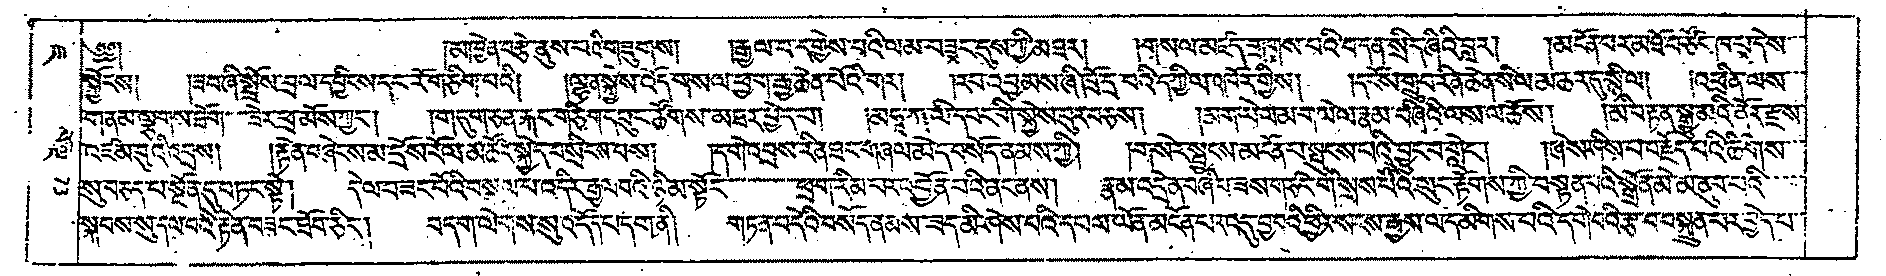༄༅། །མཁྱེན་བརྩེ་ནུས་པའི་གཟུགས། །རྒྱལ་བ་དགྱེས་པའི་ལམ་བཟང་དུས་ཀྱི་མཐར། །གསལ་མཛད་གྲགས་པའི་བ་དན་སྲིད་ཞིའི་བླར། །མངོན་པར་མཐོ་བ་ཙོང་ཁ་པ་དེས་
སྐྱོངས། །ཟབ་ཞི་སྤྲོས་བྲལ་དབྱིངས་དང་རོ་གཅིག་པའི། །ལྷན་སྐྱེས་འོད་གསལ་ཕྱག་རྒྱ་ཆེན་པོའི་གར། །རབ་འབྱམས་ཞི་ཁྲོ་དྲ་བའི་དཀྱིལ་འཁོར་གྱིས། །དངོས་གྲུབ་རིན་ཆེན་སིལ་མ་ཆར་དུ་སྙིལ། །འཕྲིན་ལས་
གནམ་ལྕགས་ཐོག་ཟེར་ཕྲ་མོས་ཀྱང་། །གདུག་ཅན་རྐང་གཅིག་དཔུང་ཚོགས་མཐར་བྱེད་པ། །མཧཱ་ཀ་ལི་དབང་གི་སྐྱེས་བུར་བཅས། །མ་གཡེལ་མ་གཡེལ་རྣམ་བཞིའི་ལས་ལ་ཆོས། །མི་བརྟན་སྒྱུ་མའི་ནོར་རྫས་
འཛམ་བུའི་འབྲས། །རྟེན་བཞེངས་མ་དྲོས་རོལ་མཚོར་སྐྱེད་བསྲིངས་པས། །དགེ་འབྲས་རིན་ཐང་གཞལ་མེད་བསོད་ནམས་ཀྱི། །གསེར་སྦྱངས་མངོན་པ་སྤུངས་པའི་བྱུང་བ་གླེང་། །ཞེས་ཤིས་པ་བརྗོད་པའི་ཚིགས་
སུ་བཅད་པ་སྔོན་དུ་བཏང་སྟེ། དེ་ལ་བཟང་པོའི་བསྐལ་པ་འདིར་རྒྱལ་བའི་ཉི་མ་སྟོང་ཕྲག་རིམ་པར་འབྱོན་པའི་ནང་ནས། རྣམ་འདྲེན་བཞི་པ་ཟས་གཙང་གི་སྲས་པའི་ལུང་རྟོགས་ཀྱི་བསྟན་པའི་སྒྲོན་མེ་མ་ནུབ་པའི་
སྐབས་སུ་དལ་བའི་རྟེན་བཟང་ཐོབ་ཅིང་། བདག་ལེགས་སུ་འདོད་པ་དག་ནི། གཏན་བདེའི་བསོད་ནམས་ཟད་མི་ཤེས་པའི་དཔལ་ཡོན་མངོན་པར་འདུ་བྱ་བའི་ཕྱིར་སངས་རྒྱས་ལ་དམིགས་པའི་དགེ་བའི་རྩ་བ་བསྐྲུན་པར་བྱེད་པ་